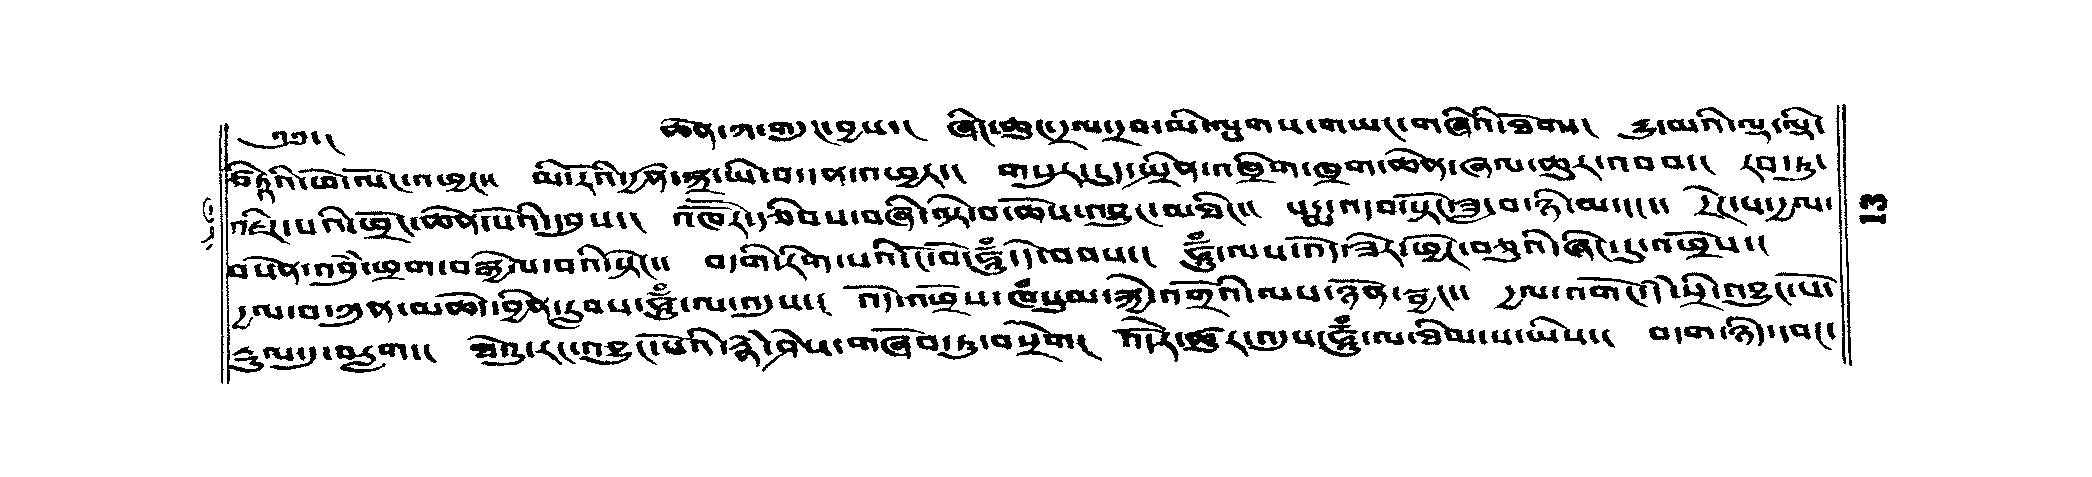ཆེན་ཀ་གདུང་བྱས། །ཞིང་ཆུང་དྲལ་དྲབ་མི་ལྤགས་གཡང་གཞིའི་ཐོག་།རྒྱུ་མའི་ལྡ་ལྡི་
ཙིཏྟ་ཕོ་ལོང་འཕྱང་། ། མི་རོའི་རྒྱལ་མཚན་སྐྲ་ཡི་བ་དན་འཕྱར། །གསུར་དུད་སྤྲིན་འཁྲིག་ཁྲག་ཆེན་ཞལ་ཆུར་འབབ། །རབ་ཏུ་
འཇིགས་པའི་ཕོ་བྲང་ཆེན་པོའི་དབུས། །འཁོར་ལོའི་རྩིབས་བཞི་ལྟེ་བ་ཆོས་འབྱུང་མཐིལ། །པདྨ་འདབ་སྟོང་ཟླ་བ་ཉི་མ་དང་། །དྲེགས་པ་རྒྱལ་
བསེན་འབུམ་ཕྲག་བསྒྱེལ་བའི་སྟེང་། །བདག་གི་རིག་པའི་ངོ་བོ་ཧཱུྃ་དེ་བབས། །ཧཱུྃ་ལས་འོད་ཟེར་ཕྱོགས་བཅུའི་ཞིང་དུ་འཕྲོས། །
རྒྱལ་བ་ཀུན་མཆོད་བྱིན་རླབས་ཧཱུྃ་ལ་འདུས། །འོད་འཕྲོས་ཁམས་གསུམ་སྐྱེ་འགྲོའི་ལས་ཉོན་སྦྱང་། །རྒྱལ་འགོང་དམ་སྲི་འབྱུང་པོ་
རྡུལ་དུ་བརླག་།ཐེའུ་རང་འབྱུང་པོའི་རྣམ་ཤེས་གཞོབ་ཏུ་བསྲེག་།འོད་ཟེར་ཚུར་འདུས་ཧཱུྃ་ལ་ཐིམ་པ་ཡིས། །བདག་ཉིད་